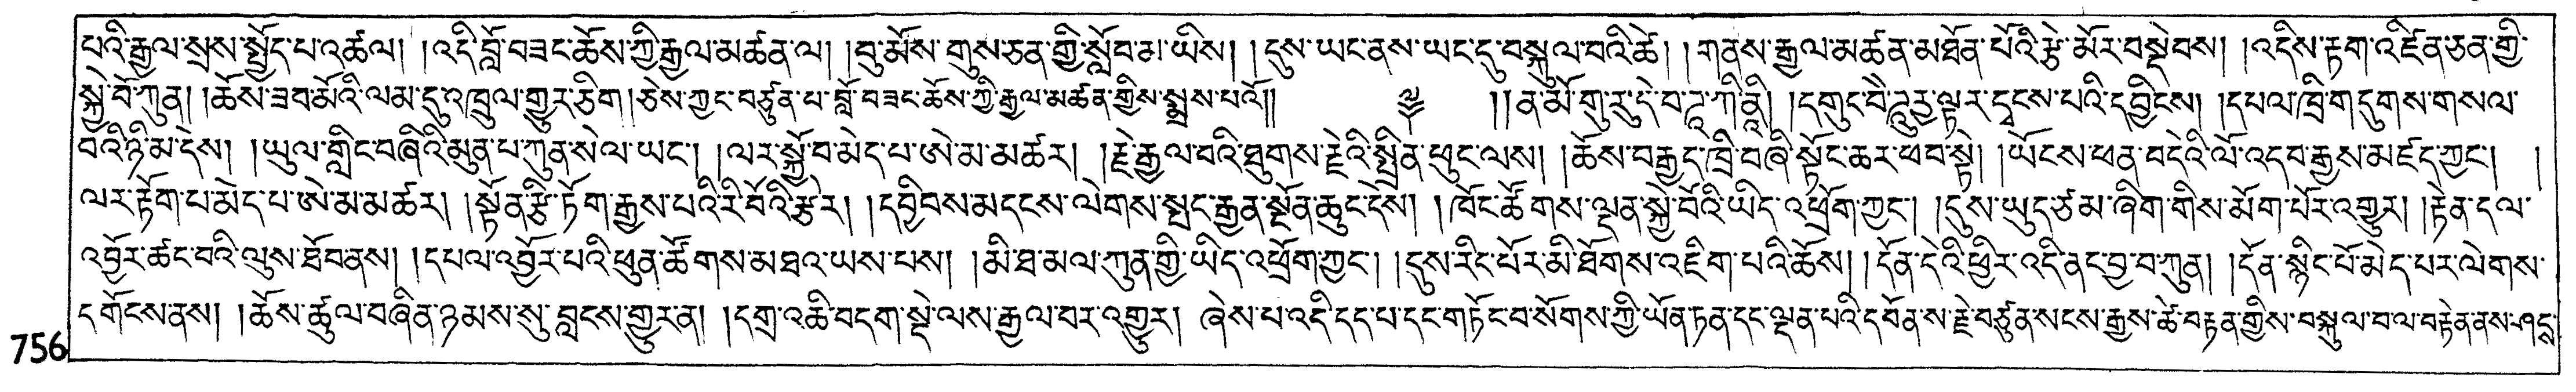པའི་རྒྱལ་སྲས་སྤྱོད་པ་འཚལ། །འདི་བློ་བཟང་ཆོས་ཀྱི་རྒྱལ་མཚན་ལ། །བུ་མོས་གུས་ཅན་གྱི་སློབ་མ་ཡིས། །དུས་ཡང་ནས་ཡང་དུ་བསྐུལ་བའི་ཚེ། །གནས་རྒྱལ་མཚན་མཐོན་པོའི་རྩེ་མོར་བསྡེབས། །འདིས་རྟག་འཛིན་ཅན་གྱི་
སྐྱེ་བོ་ཀུན། །ཆོས་ཟབ་མོའི་ལམ་དུ་འཁྲུལ་གྱུར་ཅིག ། ཅེས་ཀྱང་བཙུན་པ་བློ་བཟང་ཆོས་ཀྱི་རྒྱལ་མཚན་གྱིས་སྨྲས་པའོ།།  ༈ །།ན་མོ་གུ་རུ་དེ་བ་ཌཱ་ཀི་ནཱི། །དགུང་བཻ་ཌཱུརྱ་ལྟར་དྭངས་པའི་དབྱིངས། །དཔལ་ཁྲི་གདུགས་གསལ་
བའི་ཉི་མ་དེས། །ཡུལ་གླིང་བཞིའི་མུན་པ་ཀུན་སེལ་ཡང་། །ལར་སྐྱོ་བ་མེད་པ་ཨེ་མ་མཚར། །རྗེ་རྒྱལ་བའི་ཐུགས་རྗེའི་སྤྲིན་ཕུང་ལས། །ཆོས་བརྒྱད་ཁྲི་བཞི་སྟོང་ཆར་ཕབ་སྟེ། །ཡོངས་ཕན་བདེའི་ལོ་འདབ་རྒྱས་མཛད་ཀྱང་། །
ལར་རྟོག་པ་མེད་པ་ཨེ་མ་མཚར། །སྟོན་རྩི་ཏོག་རྒྱས་པའི་རི་བོའི་རྩེར། །དབྱིབས་མདངས་ལེགས་སྤང་རྒྱན་སྔོན་ཆུང་དེས། །ཁོང་ཚོགས་ལྡན་སྐྱེ་བོའི་ཡིད་འཕྲོག་ཀྱང་། །དུས་ཡུད་ཙམ་ཞིག་གིས་མོག་པོར་འགྱུར། །རྟེན་དལ་
འབྱོར་ཚང་བའི་ལུས་ཐོབ་ནས། །དཔལ་འབྱོར་པའི་ཕུན་ཚོགས་མཐའ་ཡས་པས། །མི་ཐ་མལ་ཀུན་གྱི་ཡིད་འཕྲོག་ཀྱང་། །དུས་རིང་པོར་མི་ཐོགས་འཇིག་པའི་ཆོས། །དོན་དེའི་ཕྱིར་འདི་ནང་བྱ་བ་ཀུན། །དོན་སྙིང་པོ་མེད་པར་ལེགས་
དགོངས་ནས། །ཆོས་ཚུལ་བཞིན་ཉམས་སུ་བླངས་གྱུར་ན། །དགྲ་འཆི་བདག་སྡེ་ལས་རྒྱལ་བར་འགྱུར། ཞེས་པ་འདི་དད་པ་དང་གཏོང་བ་སོགས་ཀྱི་ཡོན་ཏན་དང་ལྡན་པའི་དབོན་ས་རྗེ་བཙུན་སངས་རྒྱས་ཚེ་བརྟན་གྱིས་བསྐུལ་བ་ལ་བརྟེན་ནས་ཤངས་